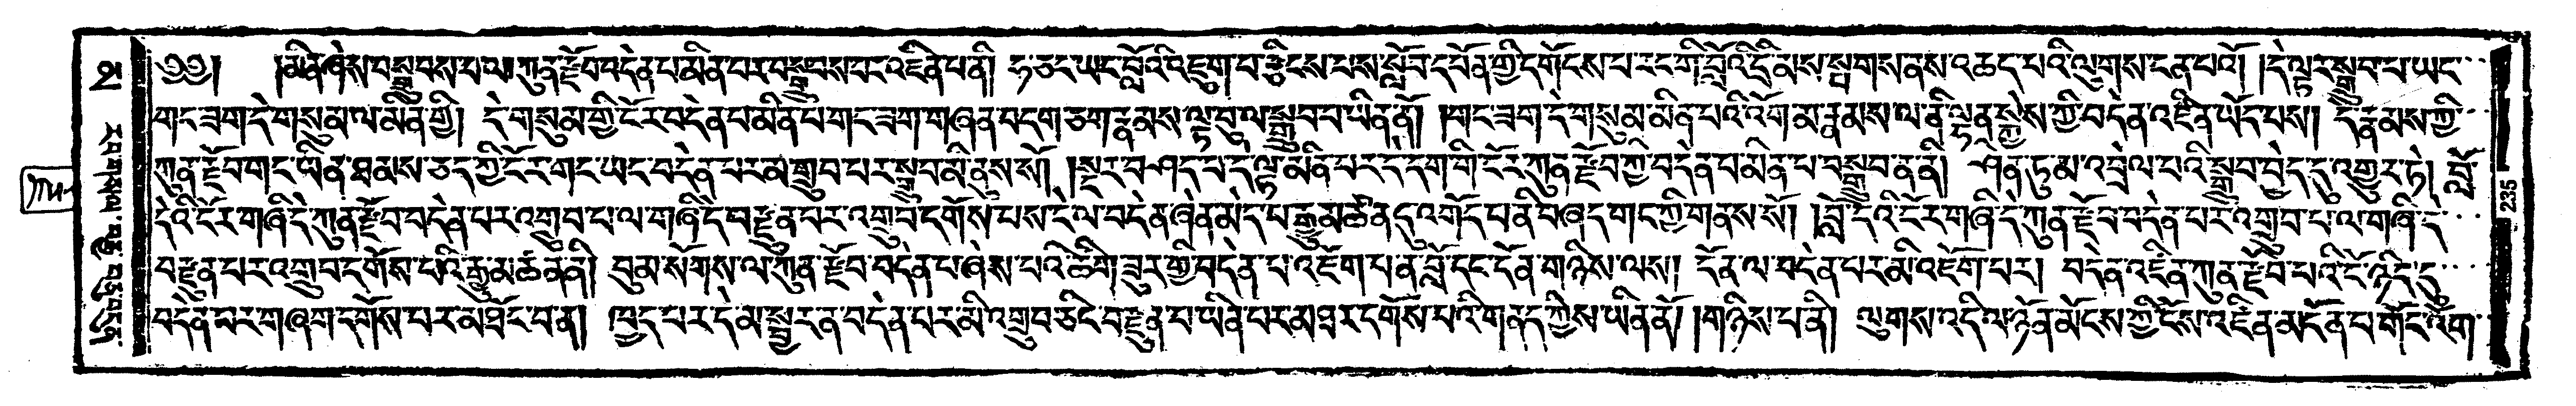༄༅། །མིན་ཞེས་བསྒྲུབས་པ་ལ། ཀུན་རྫོབ་བདེན་པ་མིན་པར་བསྒྲུབས་པར་འཛིན་པ་ནི། ཧ་ཅང་ཡང་བློའི་འཇུག་པ་རྩིངས་པས་སློབ་དཔོན་གྱི་དགོངས་པ་རང་གི་བློའི་དྲི་མས་སྦགས་ནས་འཆད་པའི་ལུགས་ངན་པའོ། །དེ་ལྟར་སྒྲུབ་པ་ཡང་
གང་ཟག་དེ་གསུམ་ལ་མིན་གྱི། དེ་གསུམ་གྱི་ངོར་བདེན་པ་མིན་པ་གང་ཟག་གཞན་བདག་ཅག་རྣམས་ལྟ་བུ་ལ་སྒྲུབ་པ་ཡིན་ནོ། །གང་ཟག་དེ་གསུམ་མིན་པའི་འོག་མ་རྣམས་ལ་ནི་ལྷན་སྐྱེས་ཀྱི་བདེན་འཛིན་ཡོད་པས། དེ་རྣམས་ཀྱི་
ཀུན་རྫོབ་གང་ཡིན་ཐམས་ཅད་ཀྱི་ངོར་གང་ཡང་བདེན་པར་མ་གྲུབ་པར་སྒྲུབ་མི་ནུས་སོ། །སྔར་བཤད་པ་དེ་ལྟ་མིན་པར་དེ་དག་གི་ངོར་ཀུན་རྫོབ་ཀྱི་བདེན་པ་མིན་པ་བསྒྲུབ་ན་ནི། ཤིན་ཏུ་མ་འབྲེལ་བའི་སྒྲུབ་བྱེད་དུ་འགྱུར་ཏེ། བློ་
དེའི་ངོར་གཞི་དེ་ཀུན་རྫོབ་བདེན་པར་འགྲུབ་པ་ལ་གཞི་དེ་བརྫུན་པར་འགྲུབ་དགོས་པས་དེ་ལ་བདེན་ཞེན་མེད་པ་རྒྱུ་མཚན་དུ་འགོད་པ་ནི་བཞད་གད་ཀྱི་གནས་སོ། །བློ་དེའི་ངོར་གཞི་དེ་ཀུན་རྫོབ་བདེན་པར་འགྲུབ་པ་ལ་གཞི་དེ་
བརྫུན་པར་འགྲུབ་དགོས་པའི་རྒྱུ་མཚན་ནི། བུམ་སོགས་ལ་ཀུན་རྫོབ་བདེན་པ་ཞེས་པའི་ཚིག་ཟུར་གྱི་བདེན་པ་འཇོག་པ་ན་བློ་དང་དོན་གཉིས་ལས། དོན་ལ་བདེན་པར་མི་འཇོག་པར། བདེན་འཛིན་ཀུན་རྫོབ་པའི་ངོ་བོ་ཉིད་དུ་
བདེན་པར་གཞག་དགོས་པར་མཐོང་བ་ན། ཁྱད་པར་དེ་མ་སྦྱར་ན་བདེན་པར་མི་འགྲུབ་ཅིང་བརྫུན་པ་ཡིན་པར་མཐོང་དགོས་པའི་གནད་ཀྱིས་ཡིན་ནོ། །གཉིས་པ་ནི། ལུགས་འདི་ལ་ཉོན་མོངས་ཀྱི་ངོས་འཛིན་མངོན་པ་གོང་འོག་